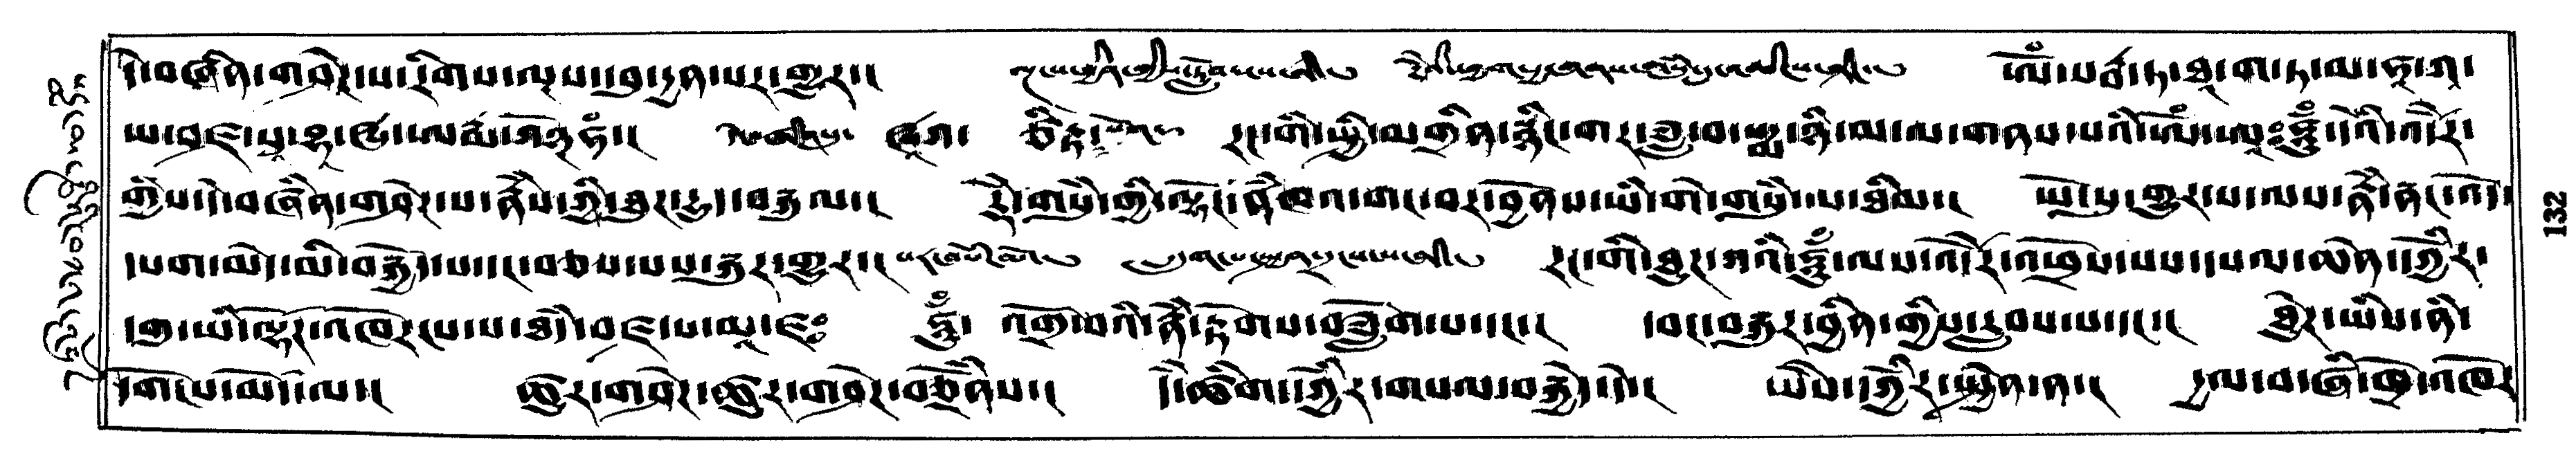དེ་བཞིན་གཤེགས་པ་རིགས་ལྔས་དབུ་རྒྱན་པར་གྱུར། ལྔ་པ་བྱིན་གྱིས་རླབ་པ་ནི། རྡོ་རྗེའི་ཕྱག་རྒྱ་གནས་གསུམ་དུ་འཆིང་ཤིང་། ཨོཾ་སརྦ་ཏ་ཐཱ་ག་ཏ་མ་ཧཱ་ཀཱ་
ཡ་བཛྲ་སྭ་བྷཱ་ཝ་ཨཏྨཱ་ཀོཉཧཾ། དེ་བཞིན་དུ། ཝཱཀ། ཙིཏྟ༴ སོགས། རང་གི་སྤྱི་མགྲིན་སྙིང་གར་ཟླ་བ་པདྨ་ཉི་མ་ལ་གནས་པའི་ཨོཾ་ཨཱཿཧཱུྃ་དེའི་འོད་ཟེར་
གྱིས་དེ་བཞིན་གཤེགས་པ་རྣམས་ཀྱི་ཐུགས་རྒྱུད་བསྐུལ། རྡོ་རྗེ་གསུམ་གྱི་ལྷ་ཚོགས་ནམ་མཁའ་གང་བར་བྱོན་ནས་ཡི་གེ་གསུམ་ལ་ཐིམ། ཡོངས་སུ་གྱུར་པ་ལས་རྣམ་སྣང་འོད་
དཔག་མེད་མི་བསྐྱོད་པ་དང་བཅས་པའི་སྐུར་གྱུར་པར་བསམ་མོ། དྲུག་པ་སྤྱན་དྲངས་པ་ནི། རང་གི་ཐུགས་ཀའི་ཧཱུྃ་ལས་འོད་ཟེར་འཕྲོས་པས་དཔལ་ཆེན་དཀྱིལ་འཁོར་
དགུའི་ལྷ་ཚོགས་འཁོར་དང་བཅས་པ་ཐམས་ཅད་བཛྲ་ས་མཱ་ཛཿ ཧཱུྃཿ འགྲོ་བའི་རྣམ་རྟོག་བཟློག་པ་དང་། །དབང་བསྐུར་བྱིན་གྱིས་རློབ་པ་དང་། །ཐུགས་རྗེ་ཡིས་ནི་
དགོངས་མཛོད་ལ། །ཚུར་གཤེགས་ཚུར་གཤེགས་བཅོམ་ལྡན་འདས། །དམ་ཚིག་དཀྱིལ་འཁོར་གསལ་བསྐྱེད་དེ། །ཡེ་ཤེས་དཀྱིལ་འཁོར་སྤྱན་འདྲེན་ན། །རྒྱལ་བ་ཞི་ཁྲོ་འཁོར་